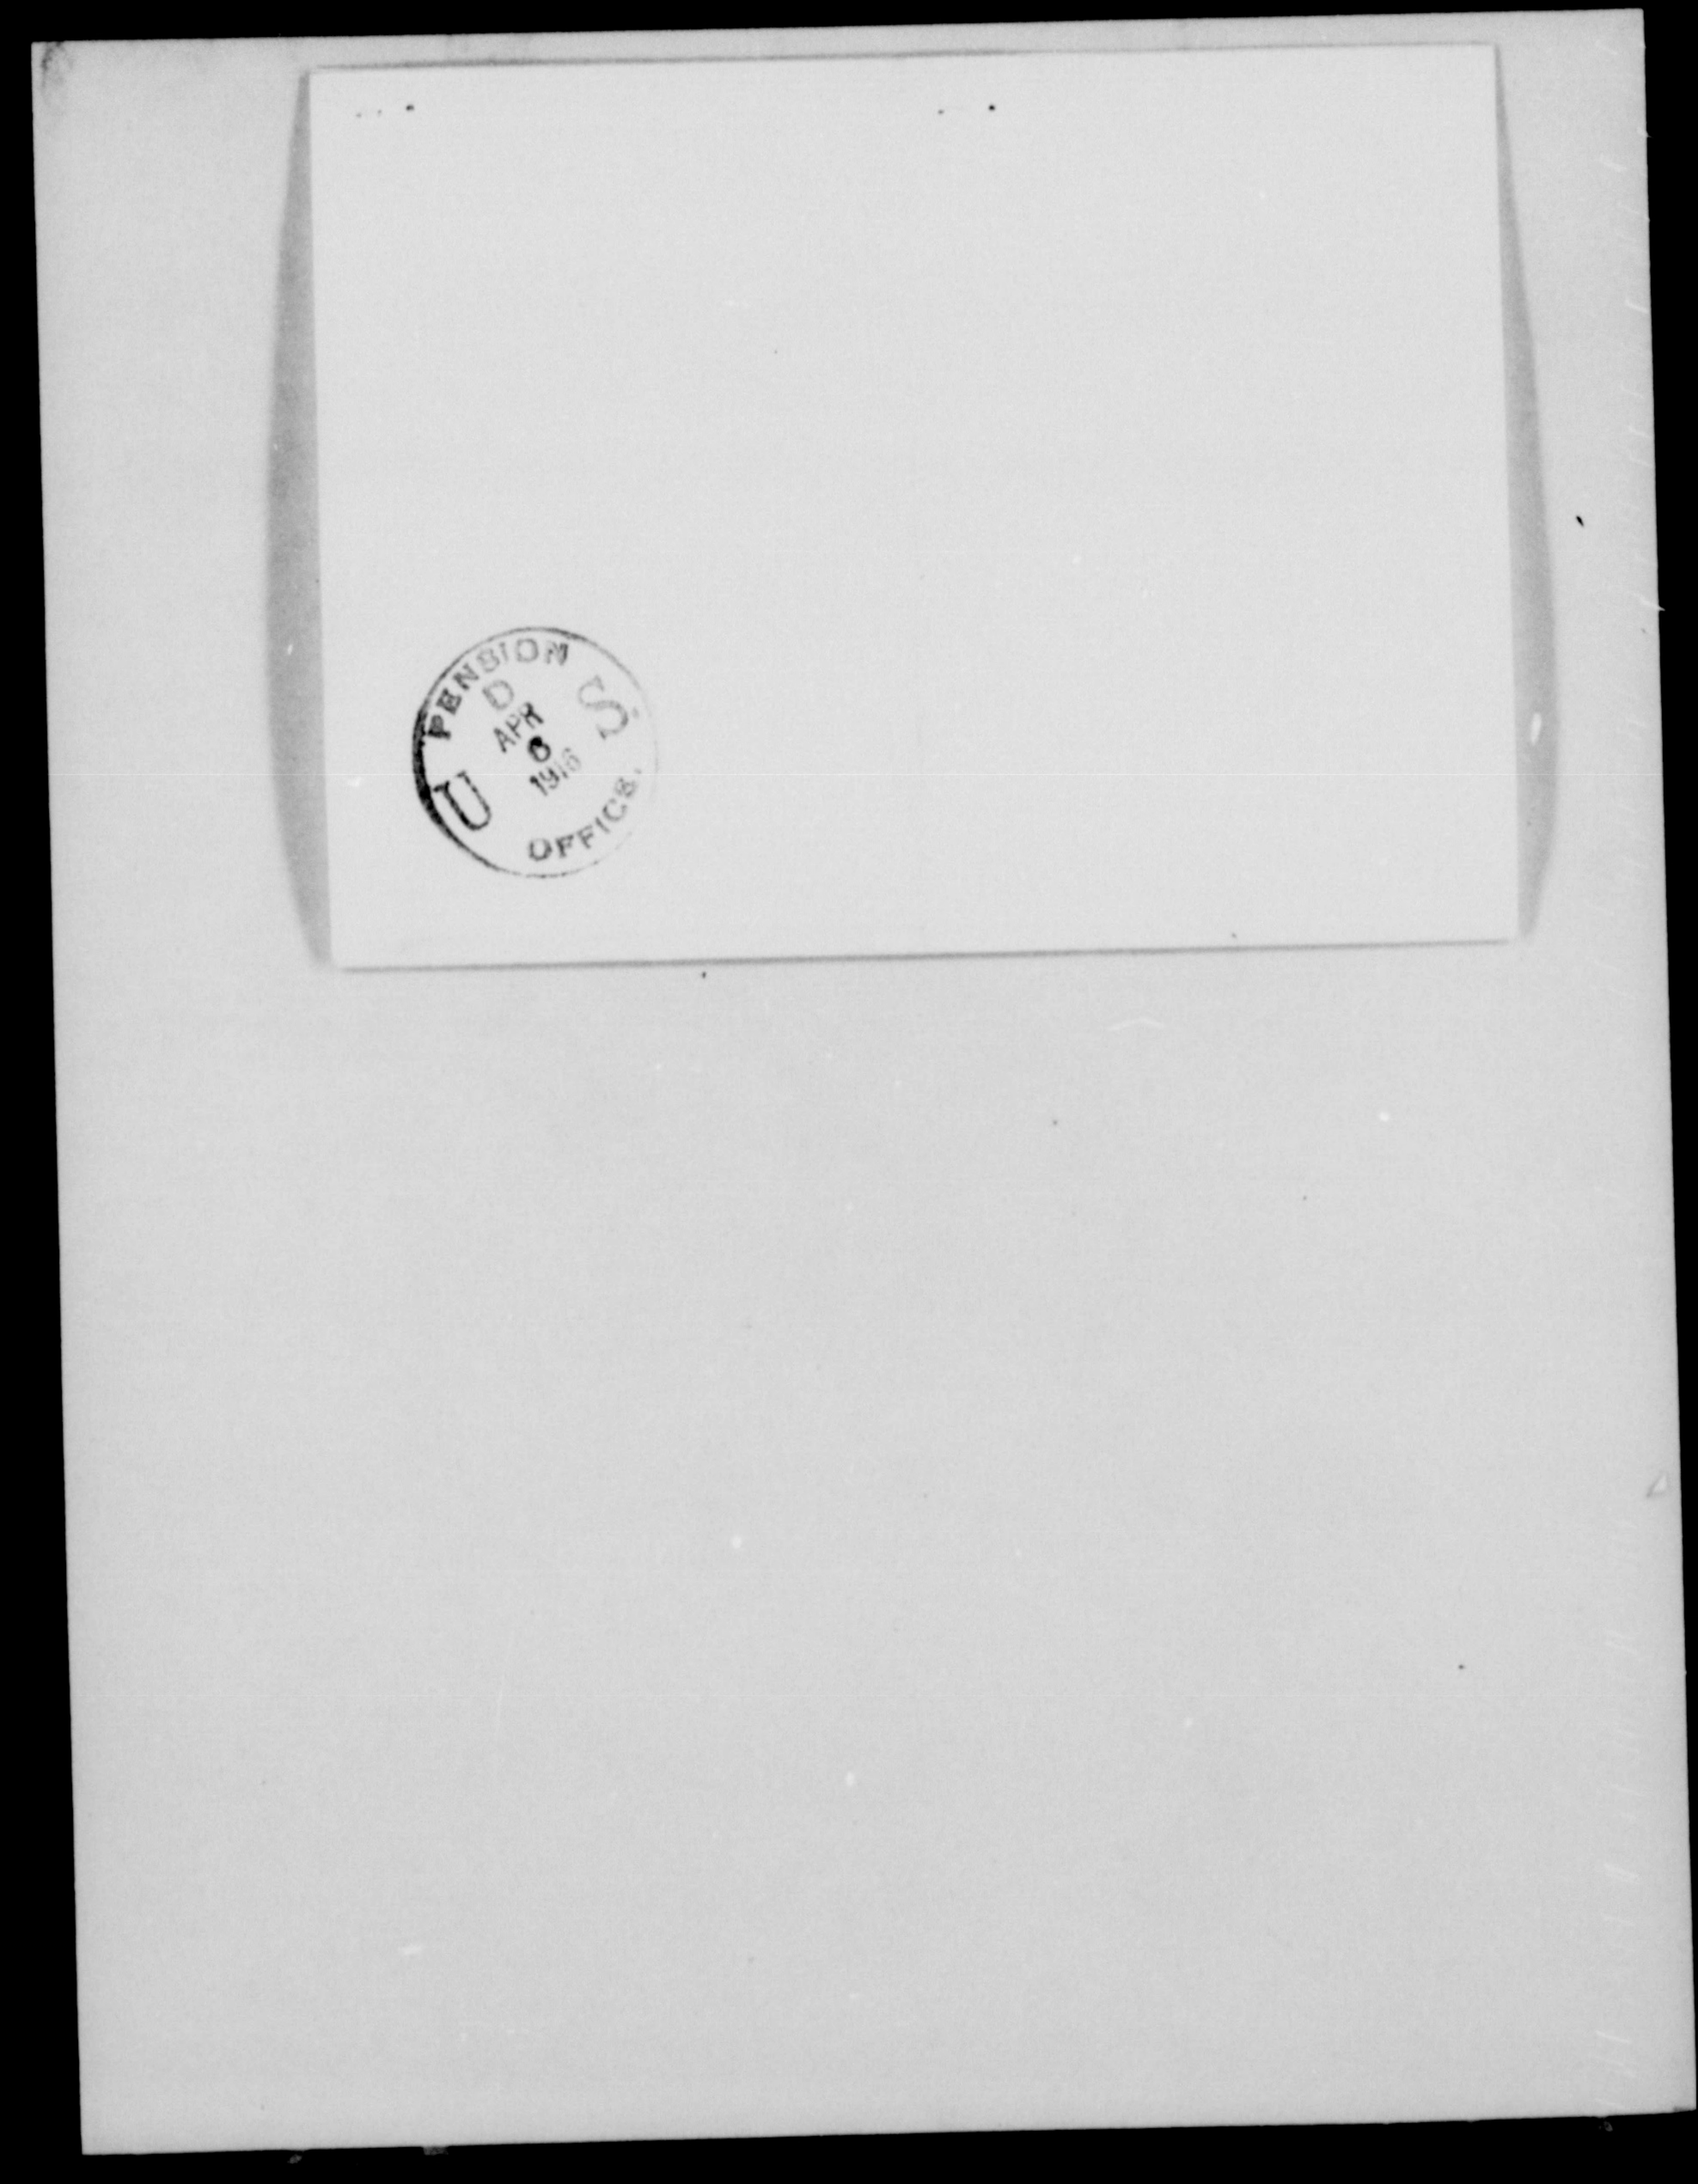[stamp] PENSION OFFICE U.S. D APR 6 1916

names: [BLANK]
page: 12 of 14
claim: survivor's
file: S 40503, for Isaac Starkey, Virginia